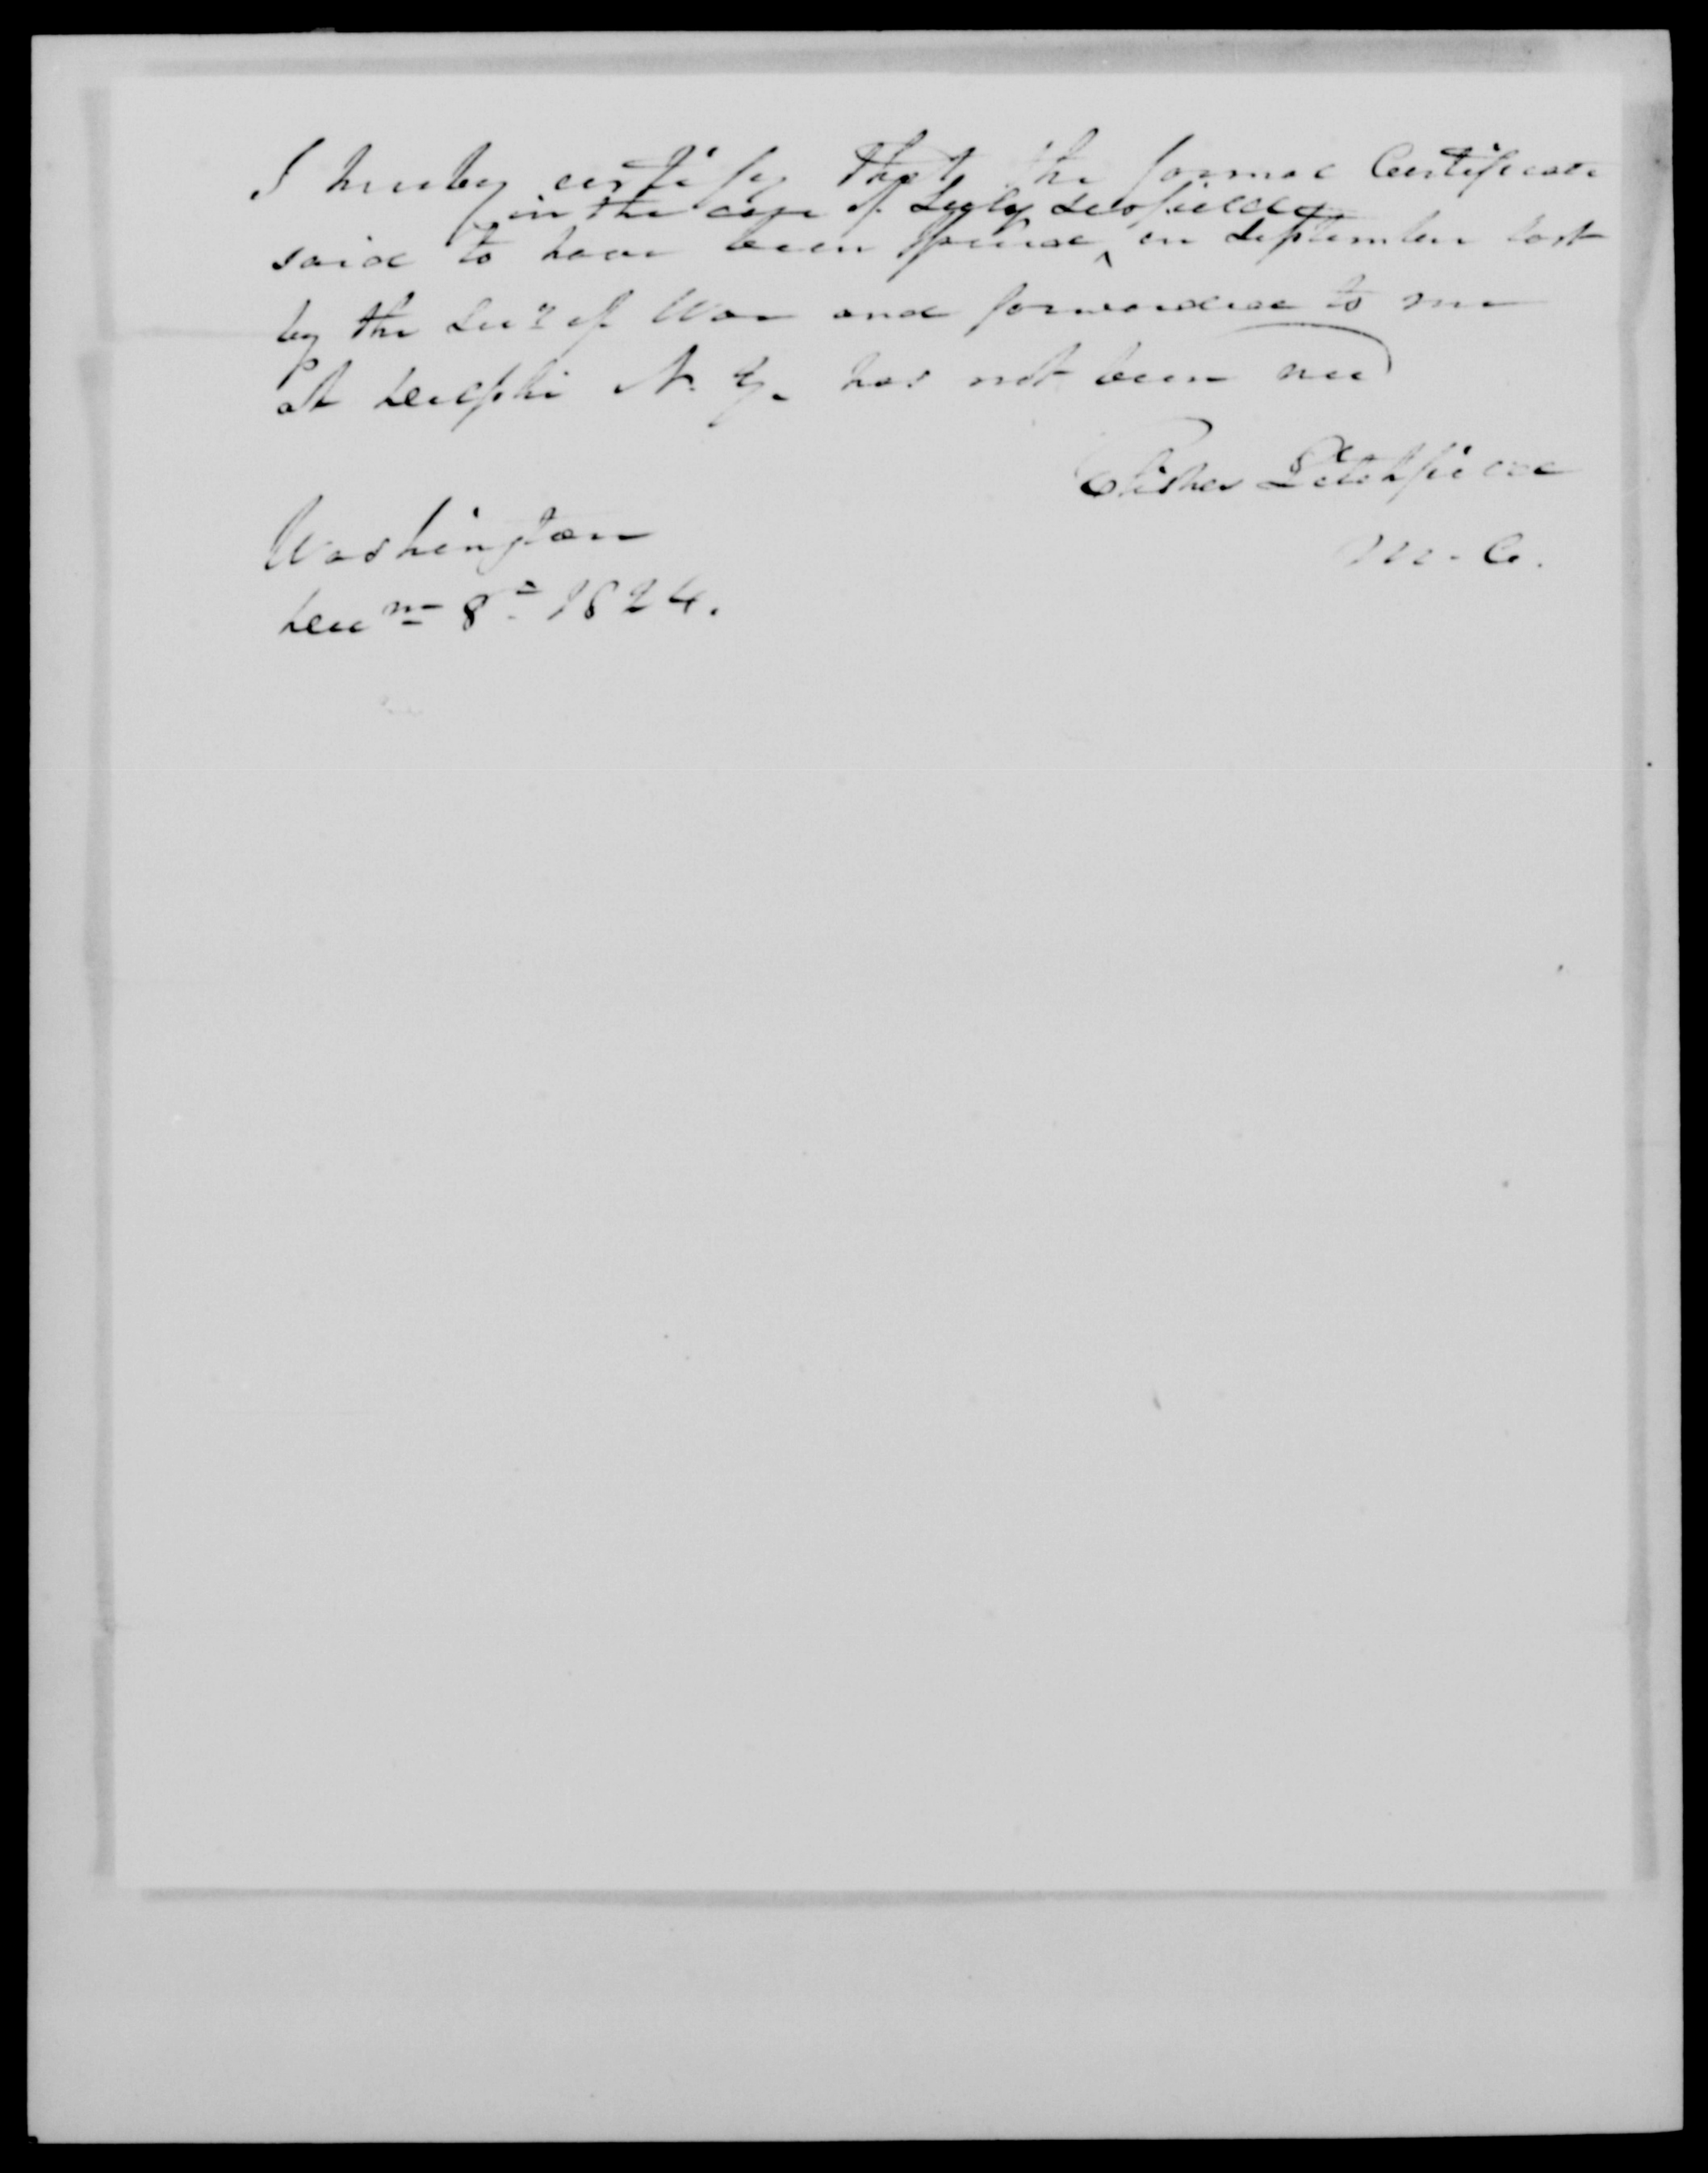I hereby certify that the formal certificate said to have been found in the case of Seely Scofield  in September last by the Secy of War and forwarded to me at Delphi N Y. has not been rec’d [received].  
Elisha Litchfield
M.C.
Washington Dec’r 8th 1824.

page: 31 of 36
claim: survivor's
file: S. 10,004, for Seely Scofield, Connecticut